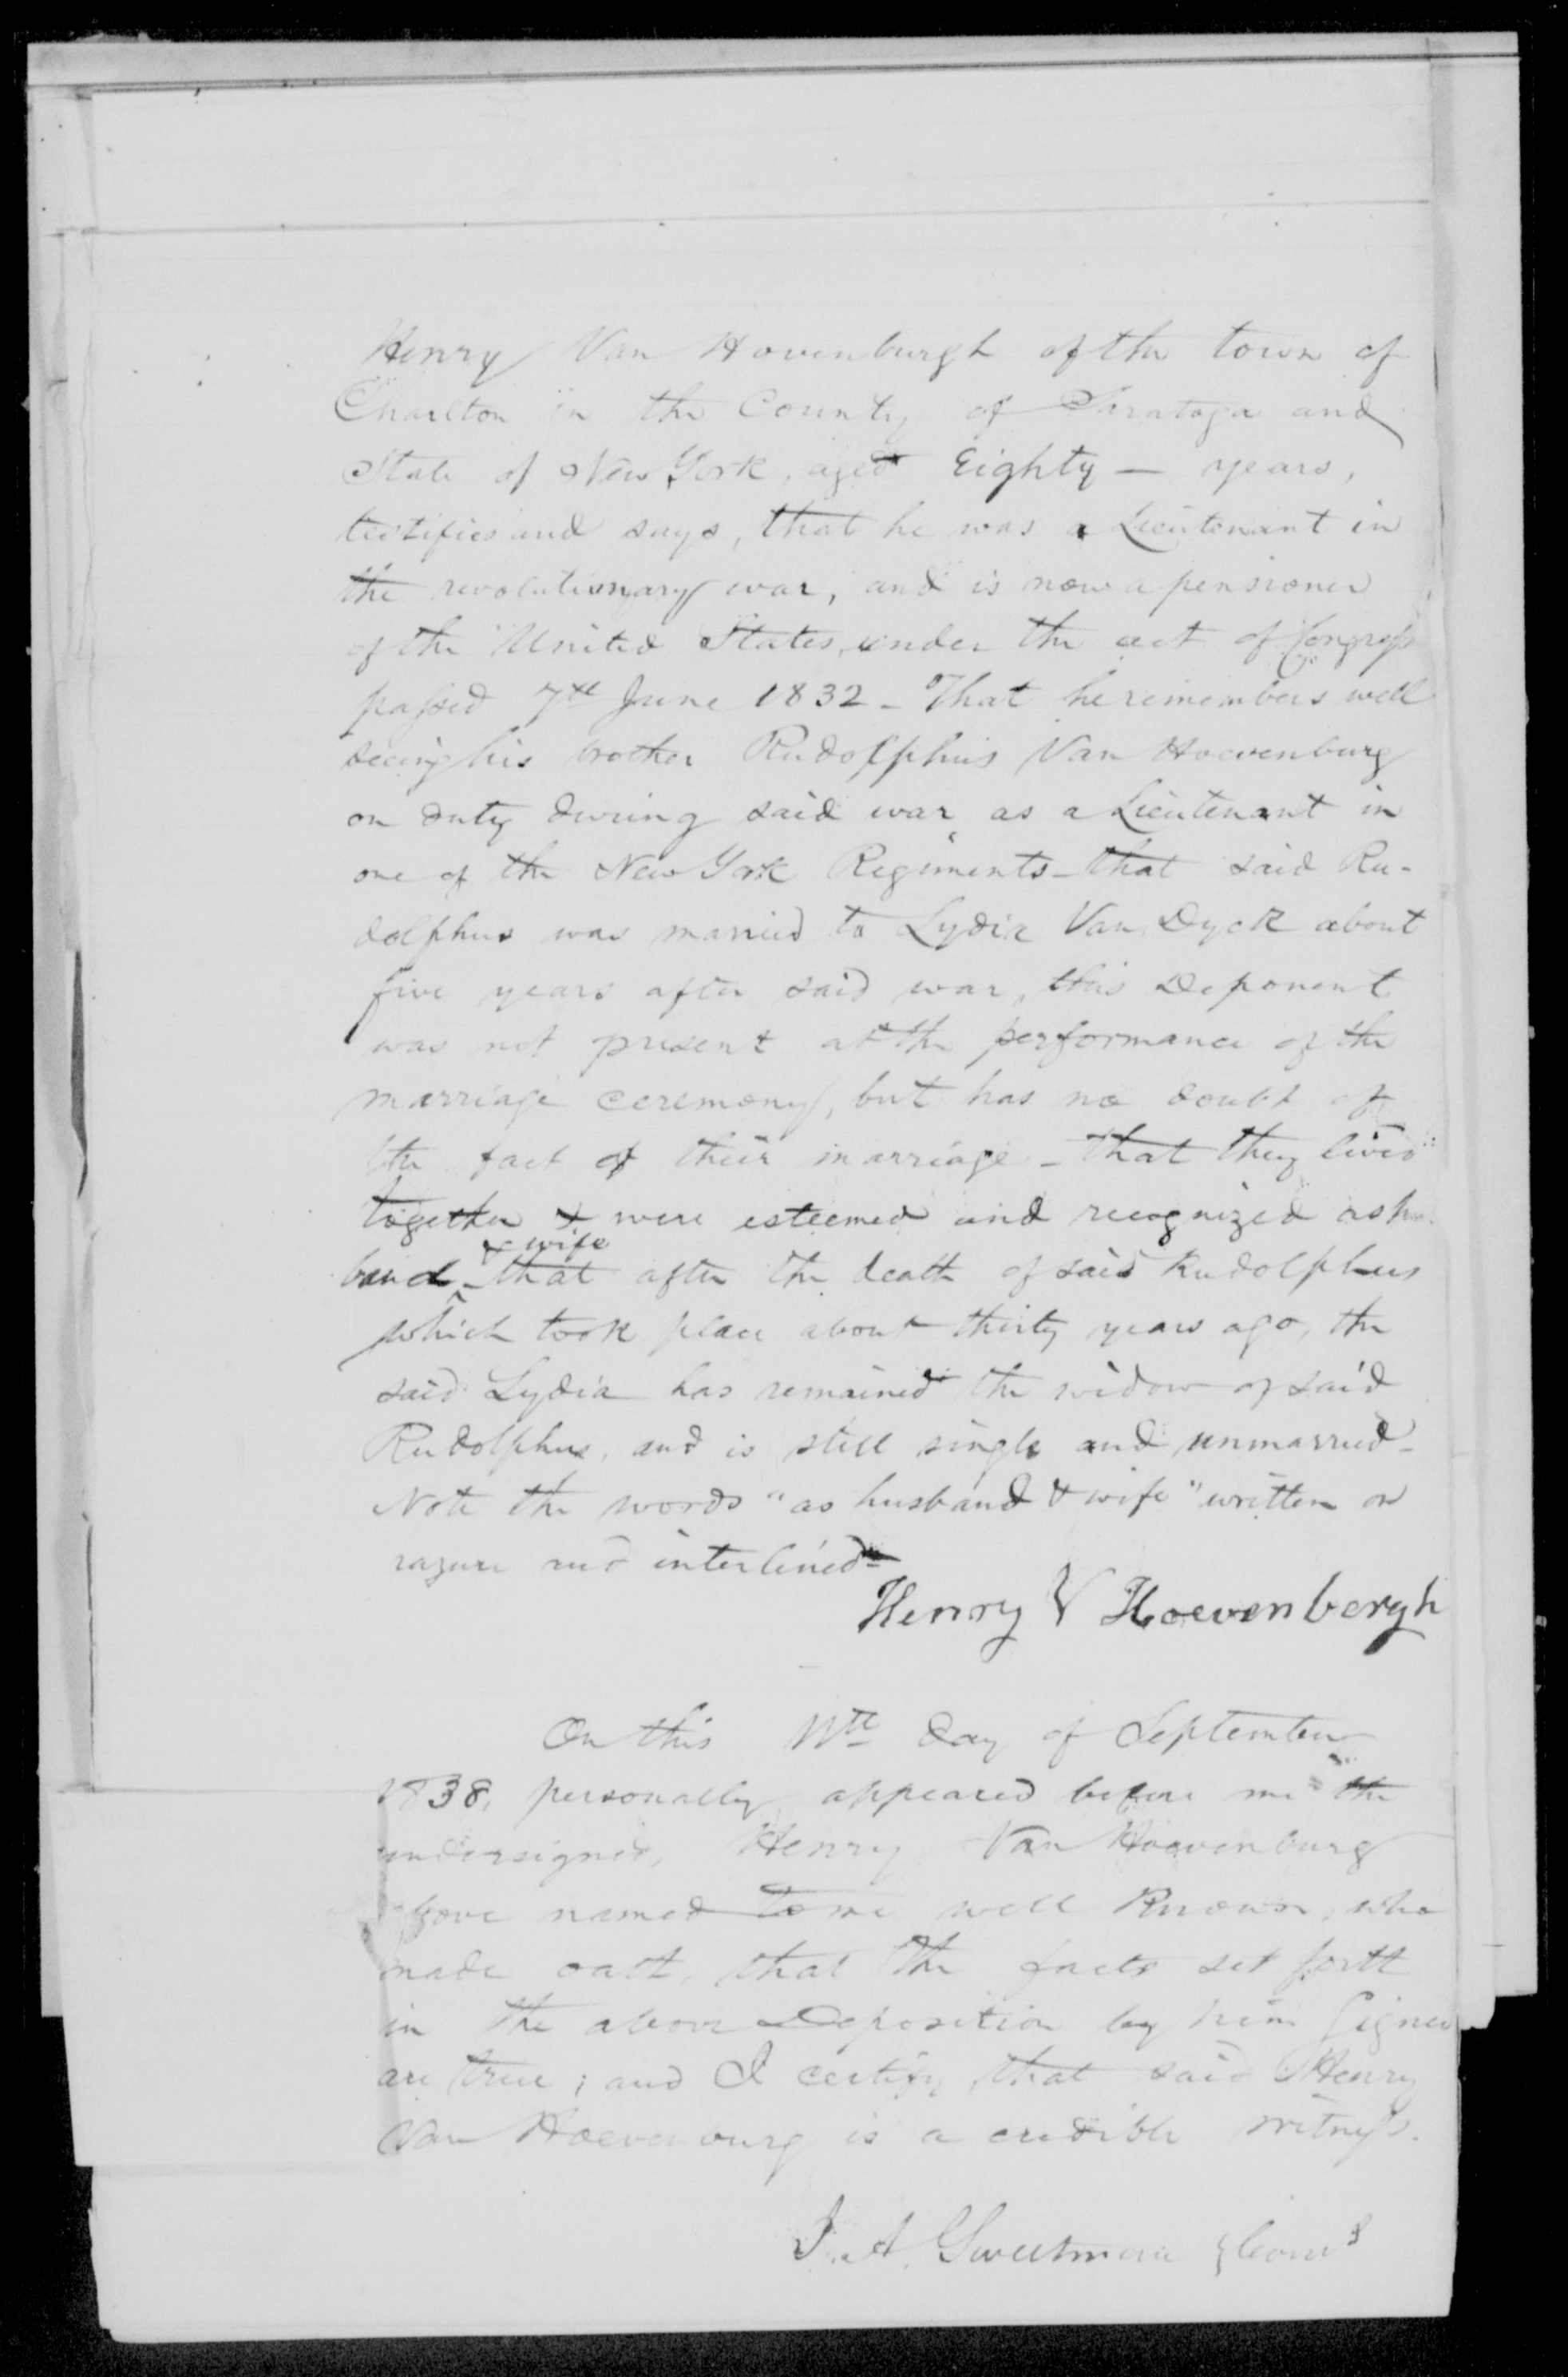Henry Van Hovenburgh of the town of Charlton in the County of Saratoga and State of New York, aged Eighty years,
testifies and says, that he was a Lieutenant in the revolutionary war, and is now a pensioner of the United States under the act of Congress passed 7th June 1832 - That he remembers well
seeing his brother Rudolphus Van Hovenburg on duty during said war as a Lieutenant in one of the New York Regiments - that said Rudolphus was married to Lydia Van Dyck about five years after said war, this deponent was not present at the performance of the marriage ceremony, but has no doubt of
the fact of their marriage - that they lived together & were esteemed and recognized as husband & wife. That after the death of said Rudolphus which took place about thirty years ago, the said Lydia has remained the widow of said Rudolphus and is still single and unmarried- Note the words "as husband & wife " written on erasure and interlined.
Henry V Hoevenbergh
On this Nth [illegible] day of September 1838, personally appeared before me the undersigned, Henry Van Hoevenbergh  
above named to me well known, who made oath that the facts set forth in the above Deposition by him signed are true; and I certify that said Henry Van Hoevenburg is a credible witness
J. A. Sweetman } Court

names: Rudolphus, Lydia, J A Sweetman, Henry V Hoevenbergh, Henry Van Hovenburgh, Henry Van Hoevenburg, Rudolphus, Rudolphus, Henry Van Hoevenburg, Lydia Van Dyck, Rudolphus Van Hoevenburg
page: 11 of 38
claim: widow's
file: W. 23324, Rudolphus Van Hoevenbergh, New York